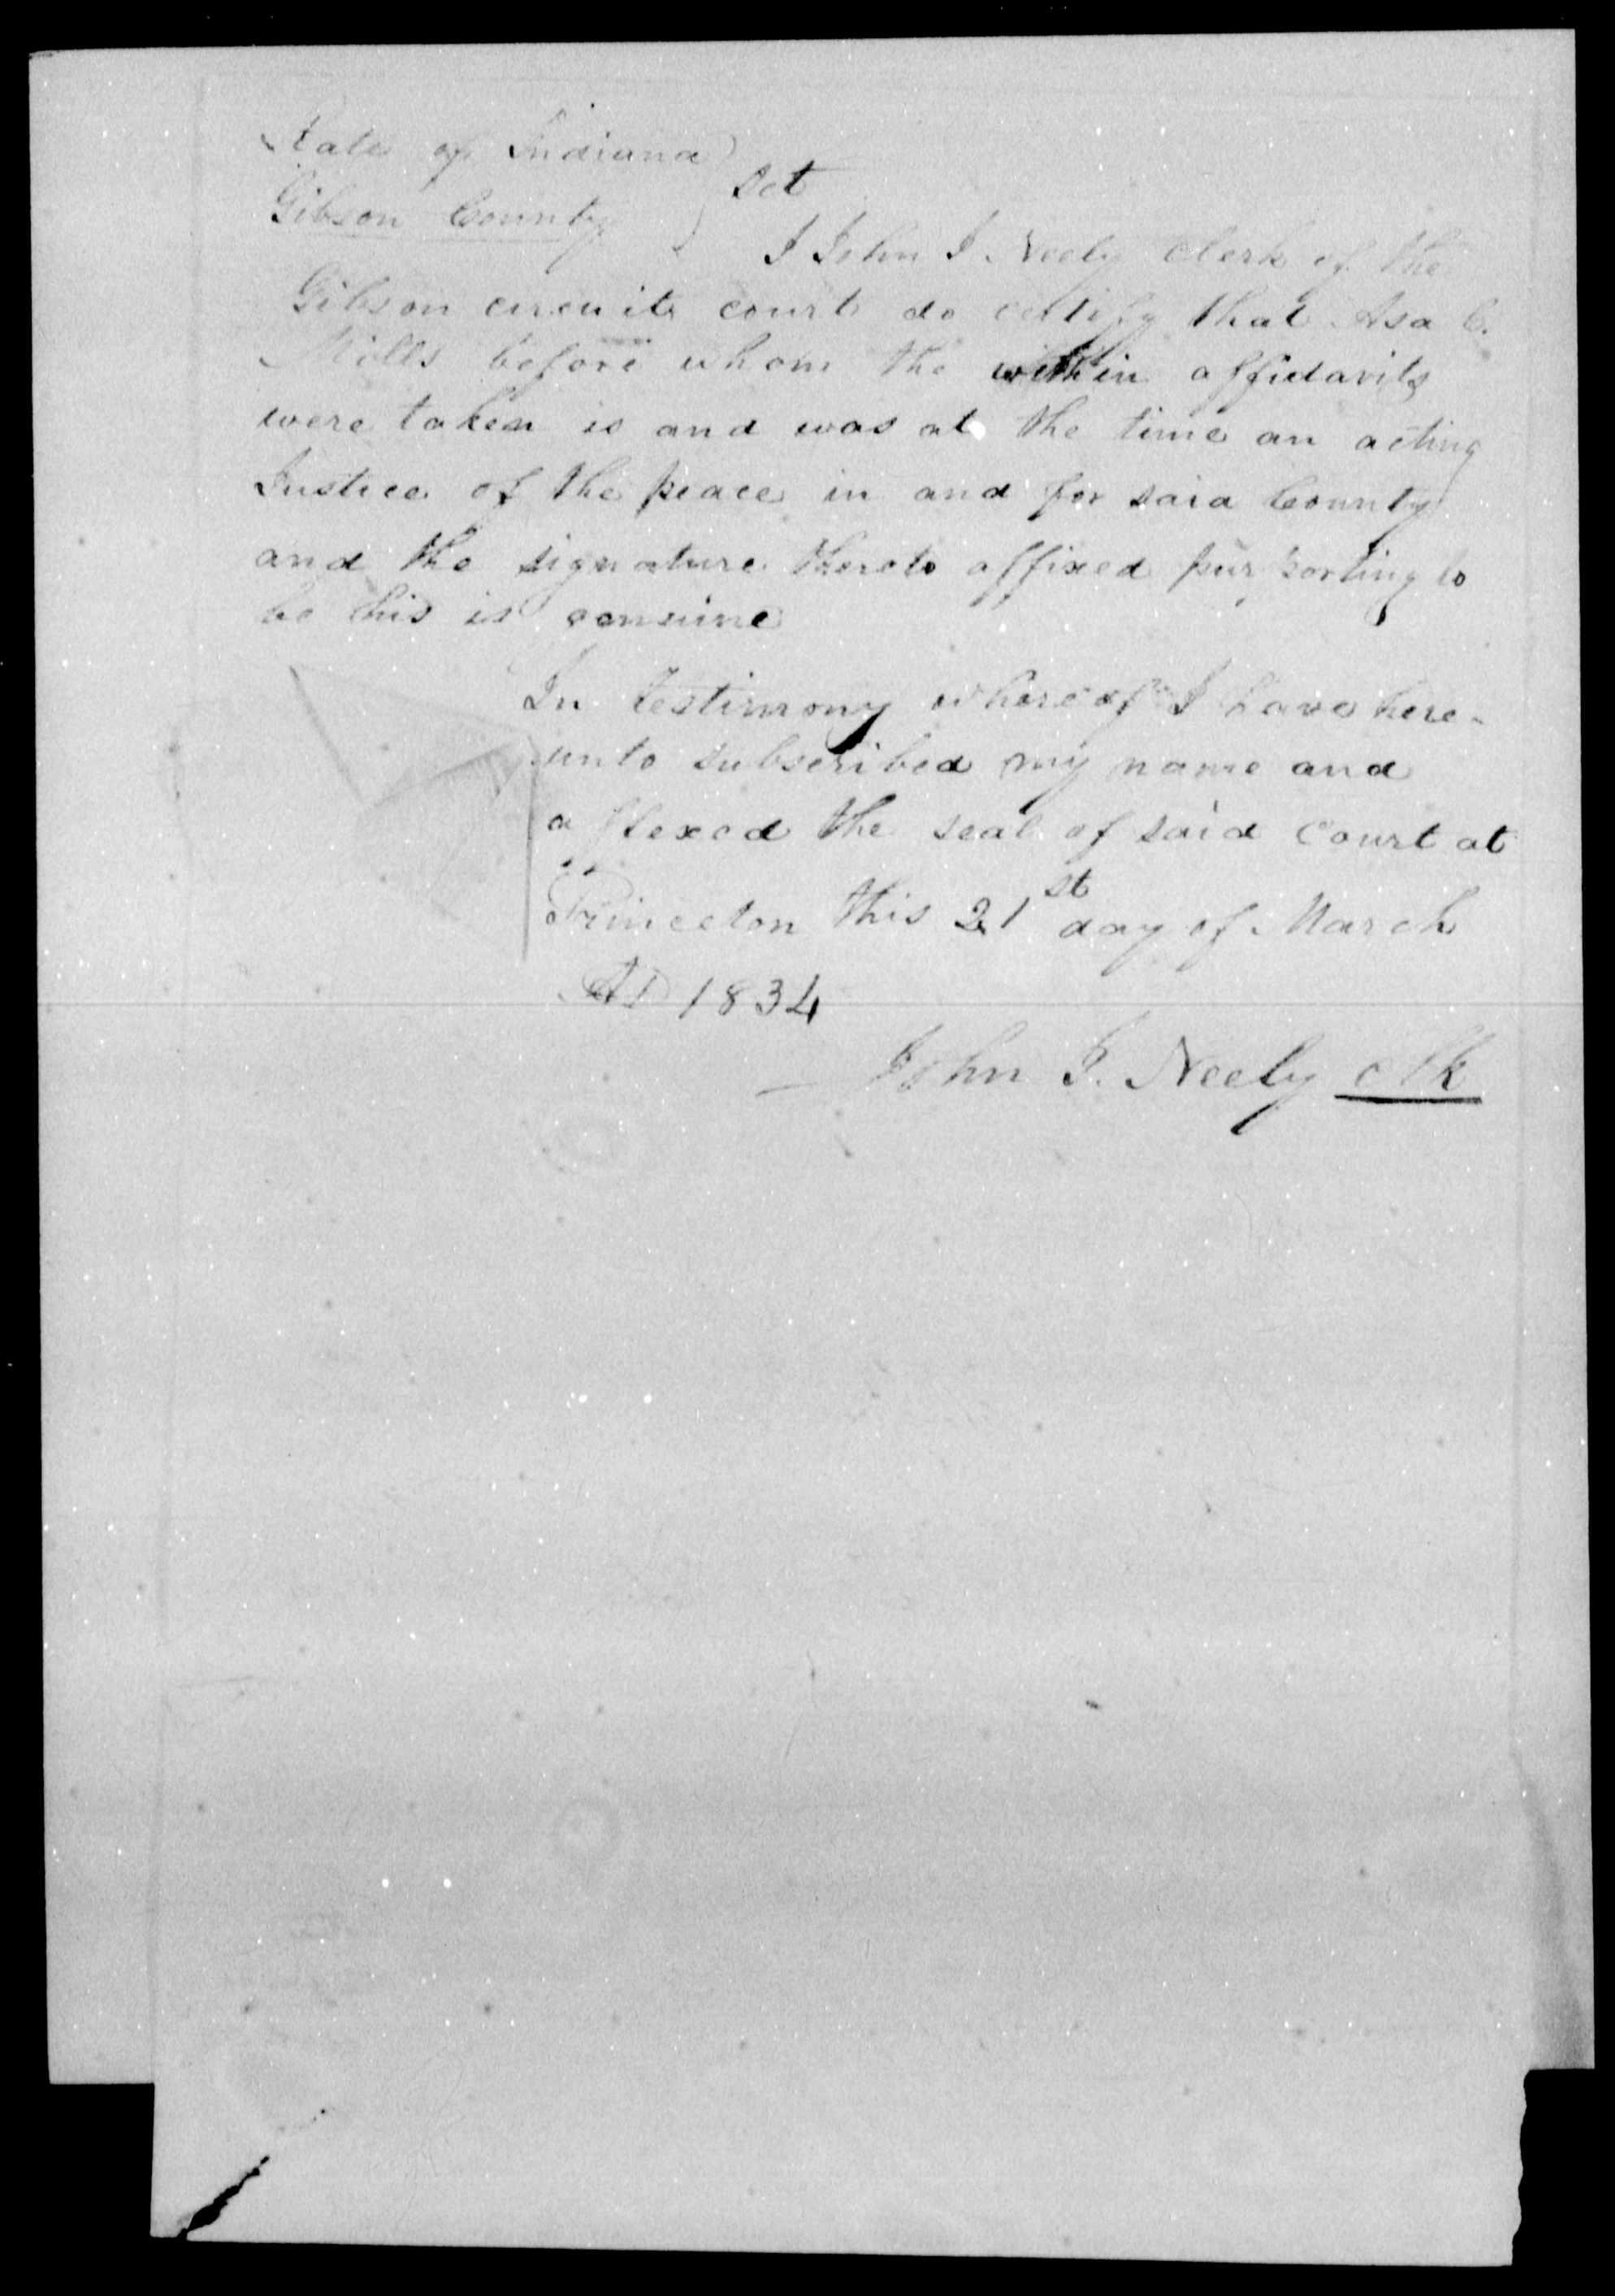State of Indiana
Gibson County Sct
I John J Neely Clerk of the Gibson circuit court do certify that Asa C Mills before whom the within affidavits were taken is and was at the time an acting Justice of the peace in and for said County and the signature thereto affixed purporting to be his is genuine.
In testimony whereof I have hereunto subscribed my name and affixed the seal of said court at Princeton this s21st day of March AD 1834
John J. Neely Clk
[SEAL]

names: Asa C Mills; John J Neely; John J Neely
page: 34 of 57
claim: widow's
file: W. 9,622, for Aaron Redman, Virginia